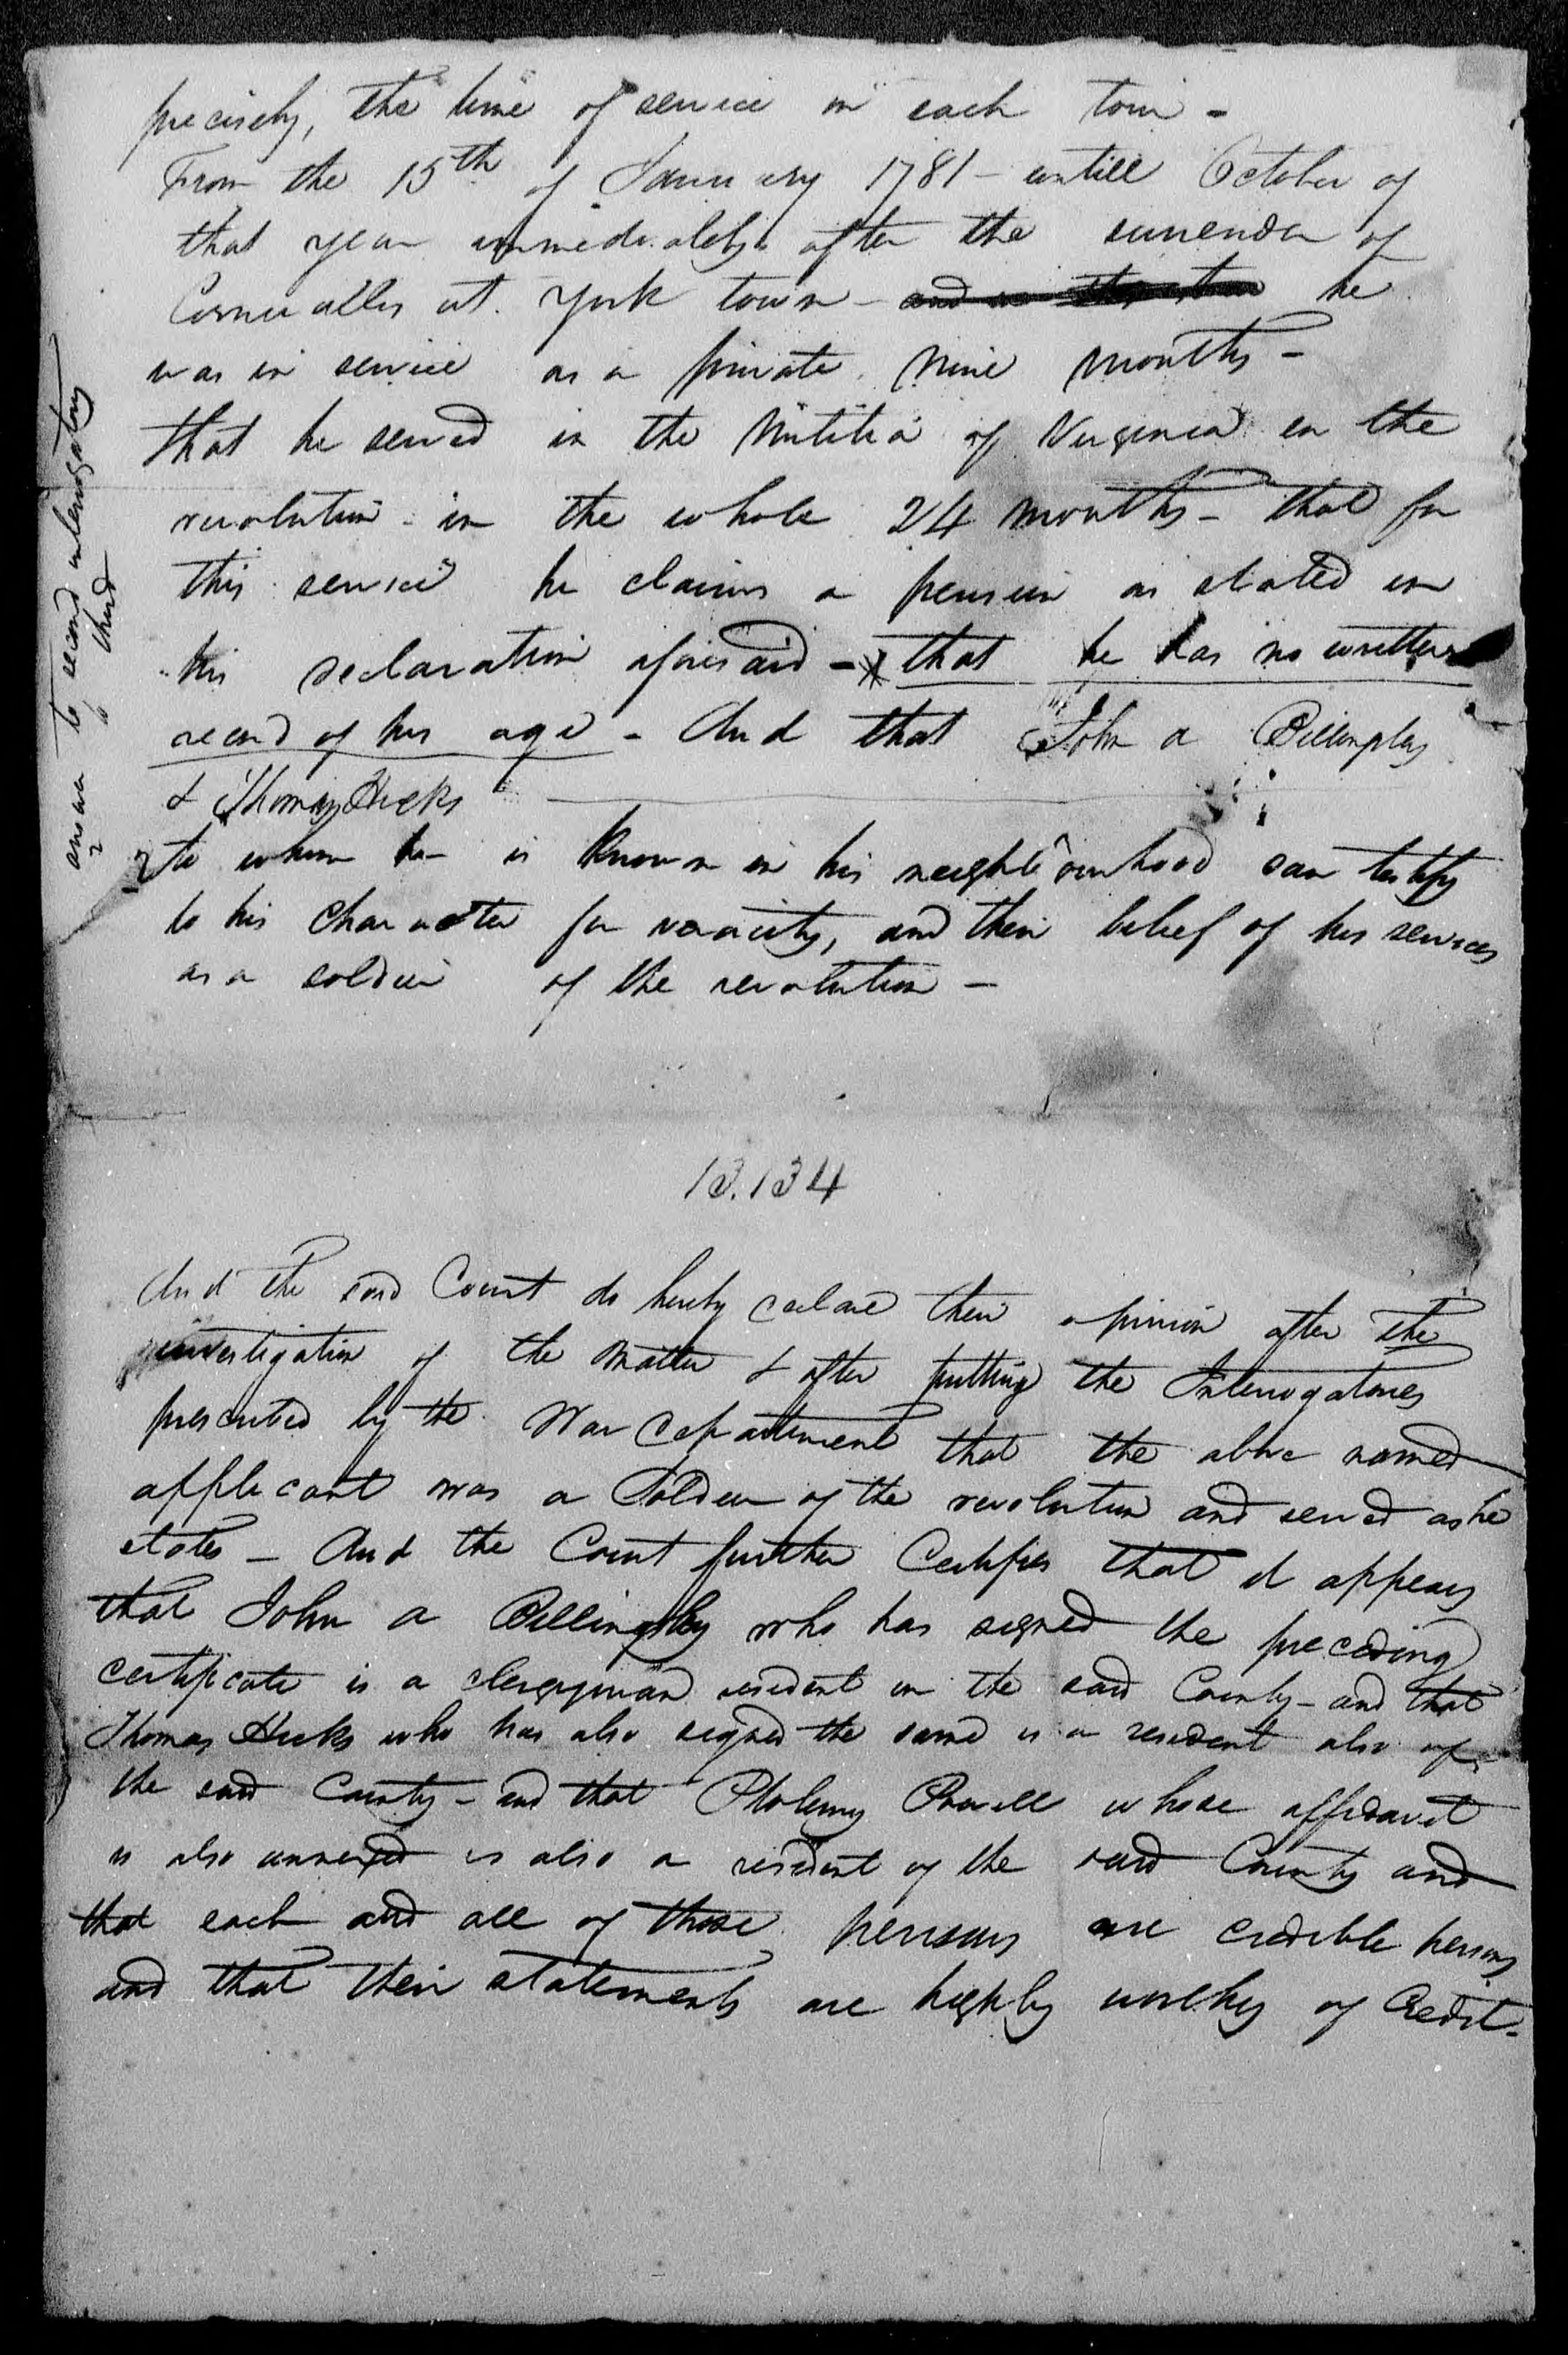precisely the time of service on each tour - From the 15th I of January 1781 - untill October of that year immediately after the surrender of Cornwallis at York town - he was in service as a private nine months - that her served in the Militia of Virginia in the revolution in the whole 24 months that for this service he claims a pension as stated in his declaration aforesaid -*that he has no written record of his age. And that John a Billingsly --- - & Thomas Hicks John A Billingsley to whom he is known in his neighbourhood can testify to his character for veracity, and their belief of his services as a soldier of the revolutionhe  13. 134 And the said Court investigation of do hereby clare then presented by the the matter & after Ruthing War Department opinion after the the the Interrogatory that the above named applicant was a solder of the revolution and served as he states. And the Court further Certifies that it appears that John A Billingsly who has signed the preceding certificate is a clergyman resident in the said County and that Thomas Hicks who has also signed the same is a resident also of the said County and that Poley Prell whose affidavit is also annexed is also a resident of the at each and all of these said County and hereson are credible hands and that their statements are highly worthy of credit X C the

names: Powell, Thomas Hicks, Thomas Hicks, John A Billingsley, John A Billingsley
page: 9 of 27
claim: survivor's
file: S. 1747, Enoch Breeden, Va.